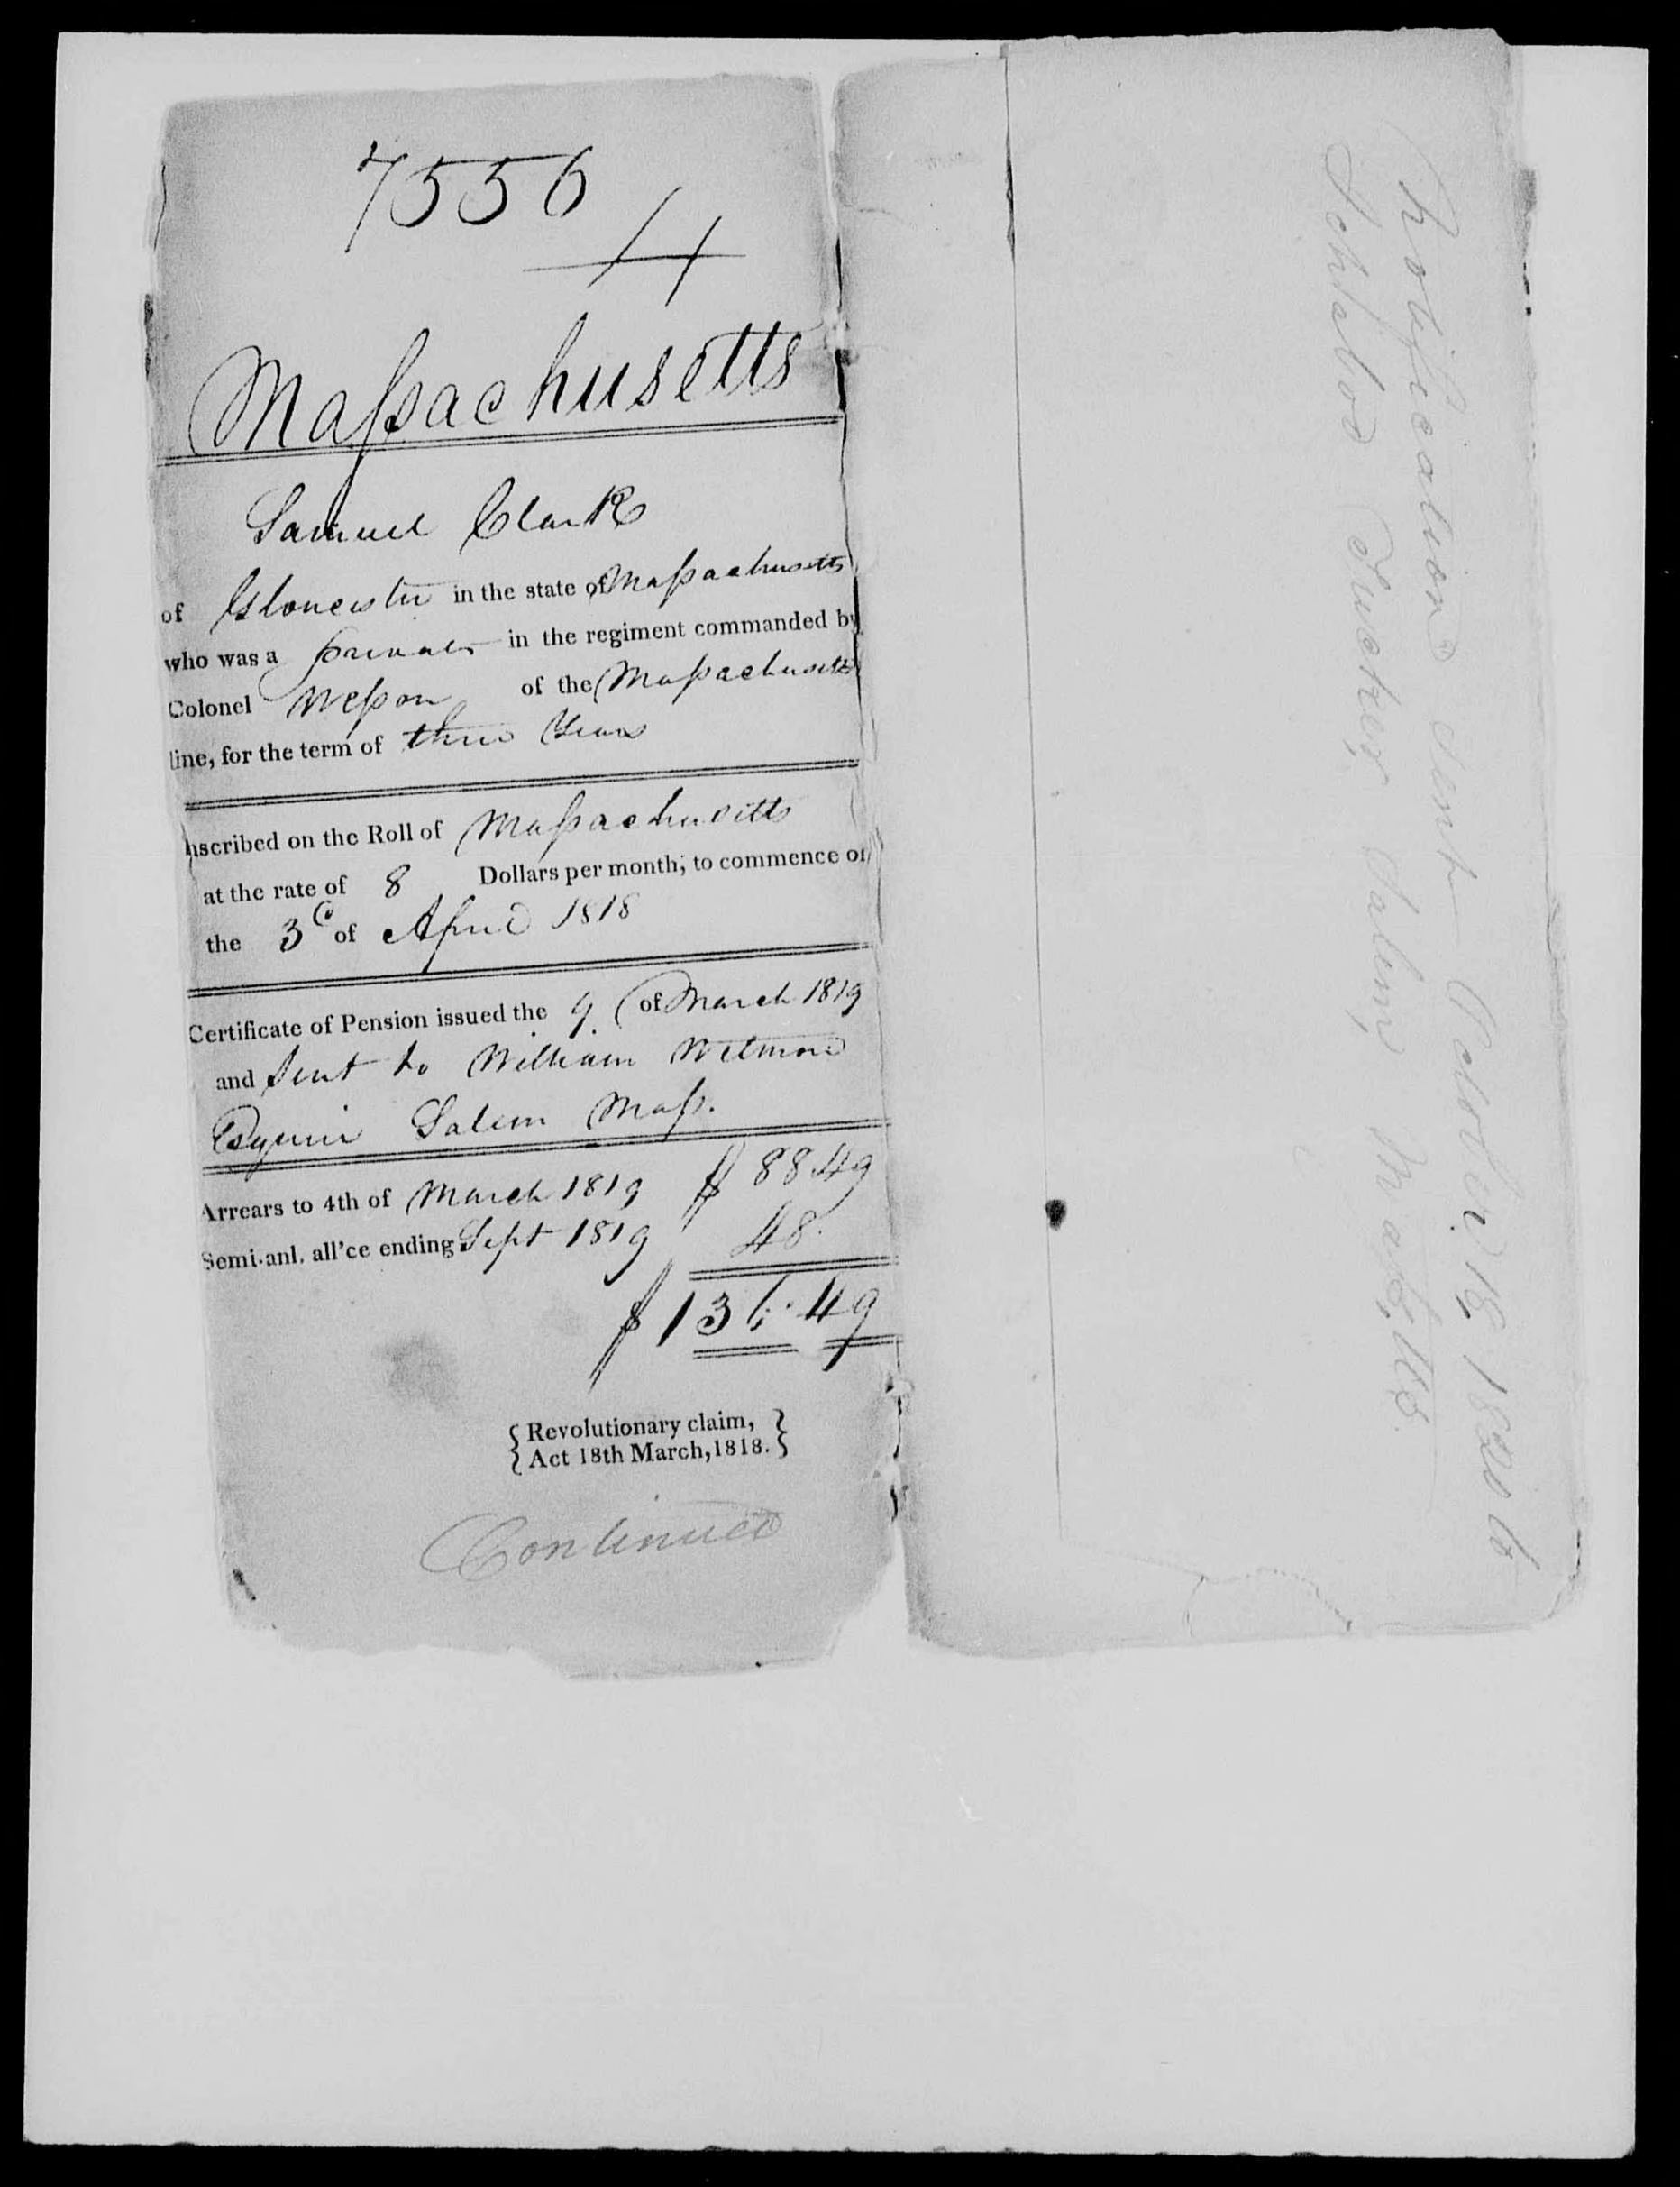7556#
Massachusetts

Samuel Clark
of Gloucester in the state of Massachusetts who was a private in the regiment commanded by Colonel Wesson of the Massachusetts line, for the term of three years

Inscribed on the Roll of Massachusetts at the rate of 8 Dollars per month; to commence on the 3rd of April 1818

Certificate of Pension issued the 4 of March 1819 and sent to William Wetmore Esquire Salem Mass,.

Arrears to 4th of March 1819  $88.46 
Semi anl. all'ce ending Sept 1819  $48
= $136.49

{Revolutionary claim
Act 18th March, 1818}

Continued

[faint vertical writing on the right side as follows:]

Notification sent October 18, 1820 to 
Ichabod Tucker,
Salem Mass. US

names: William Wetmore, Wesson, Samuel Clark, Ichabod Tucker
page: 2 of 14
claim: survivor's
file: S. 34696, Samuel Clark, Continental Mass.